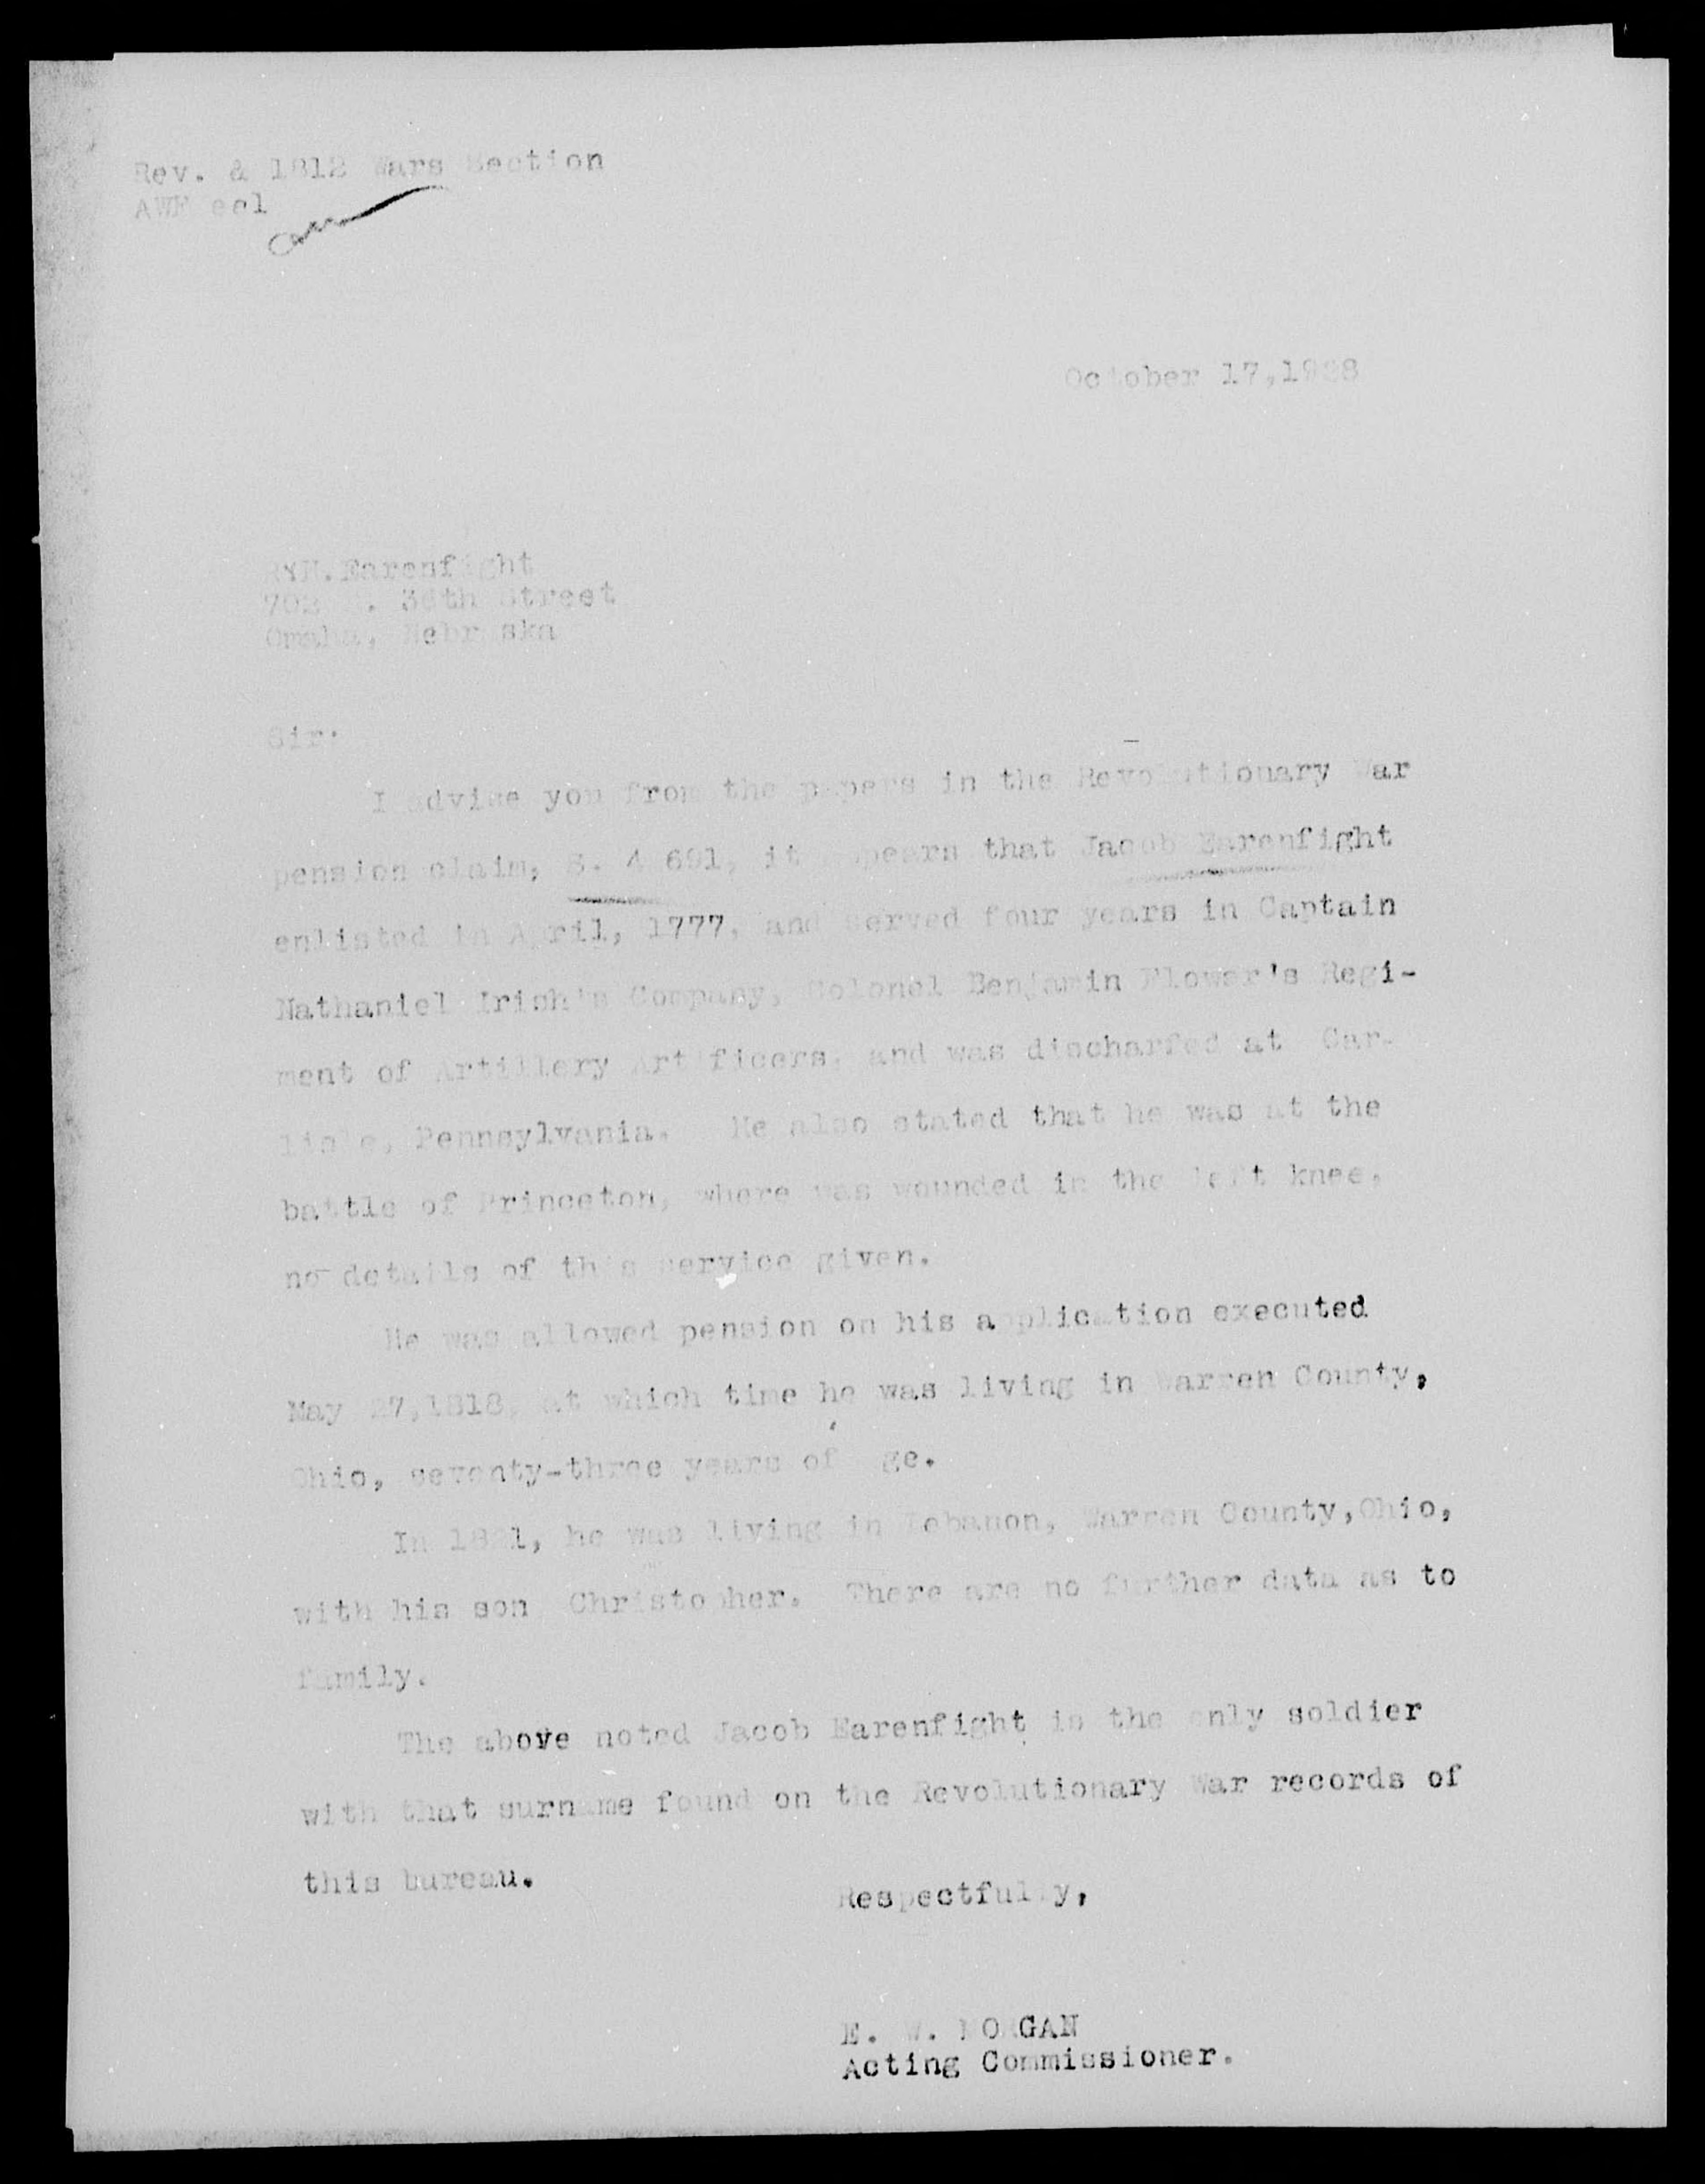Rev. & 1812 Wars Section
AWF eal
October 17, 1928
R. R. Earenfight
702 [illegible] 36 h Street
Omaha, Nebraska

Sir:
I advise you from the papers in the Revolutionary War
pension claim; S. 42691, it appears that Jacob Earenfight
enlisted in April, 1777, and served four years in Captain
Nathaniel Irish's Company, Colonel Benjamin Flower's Regiment
of Artillery Artificers, and was discharged at Carliale,
Pennsylvania. He also stated that he was at the
battle of Princeton, where was wounded in the left knee,
no details of this service given.
He was allowed pension on his application executed
May 27, 1818, at which time he was living in Warren County,
Ohio, seventy-three years of age.
In 1821, he was living in Lebanon, Warren County, Ohio,
with his son Christopher. There are no further data as to
family.
The above noted Jacob Earenfight is the only soldier
with that surname found on the Revolutionary War records of
this bureau.
Respectfully,

E. W. MORGAN
Acting Commissioner.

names: R R Earenfight, E W Morgan, Christopher, Jacob Earenfight, Jacob Earenfight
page: 10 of 21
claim: survivor's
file: S. 42691, Jacob Earenfight, Continental Ohio Residence And Agency